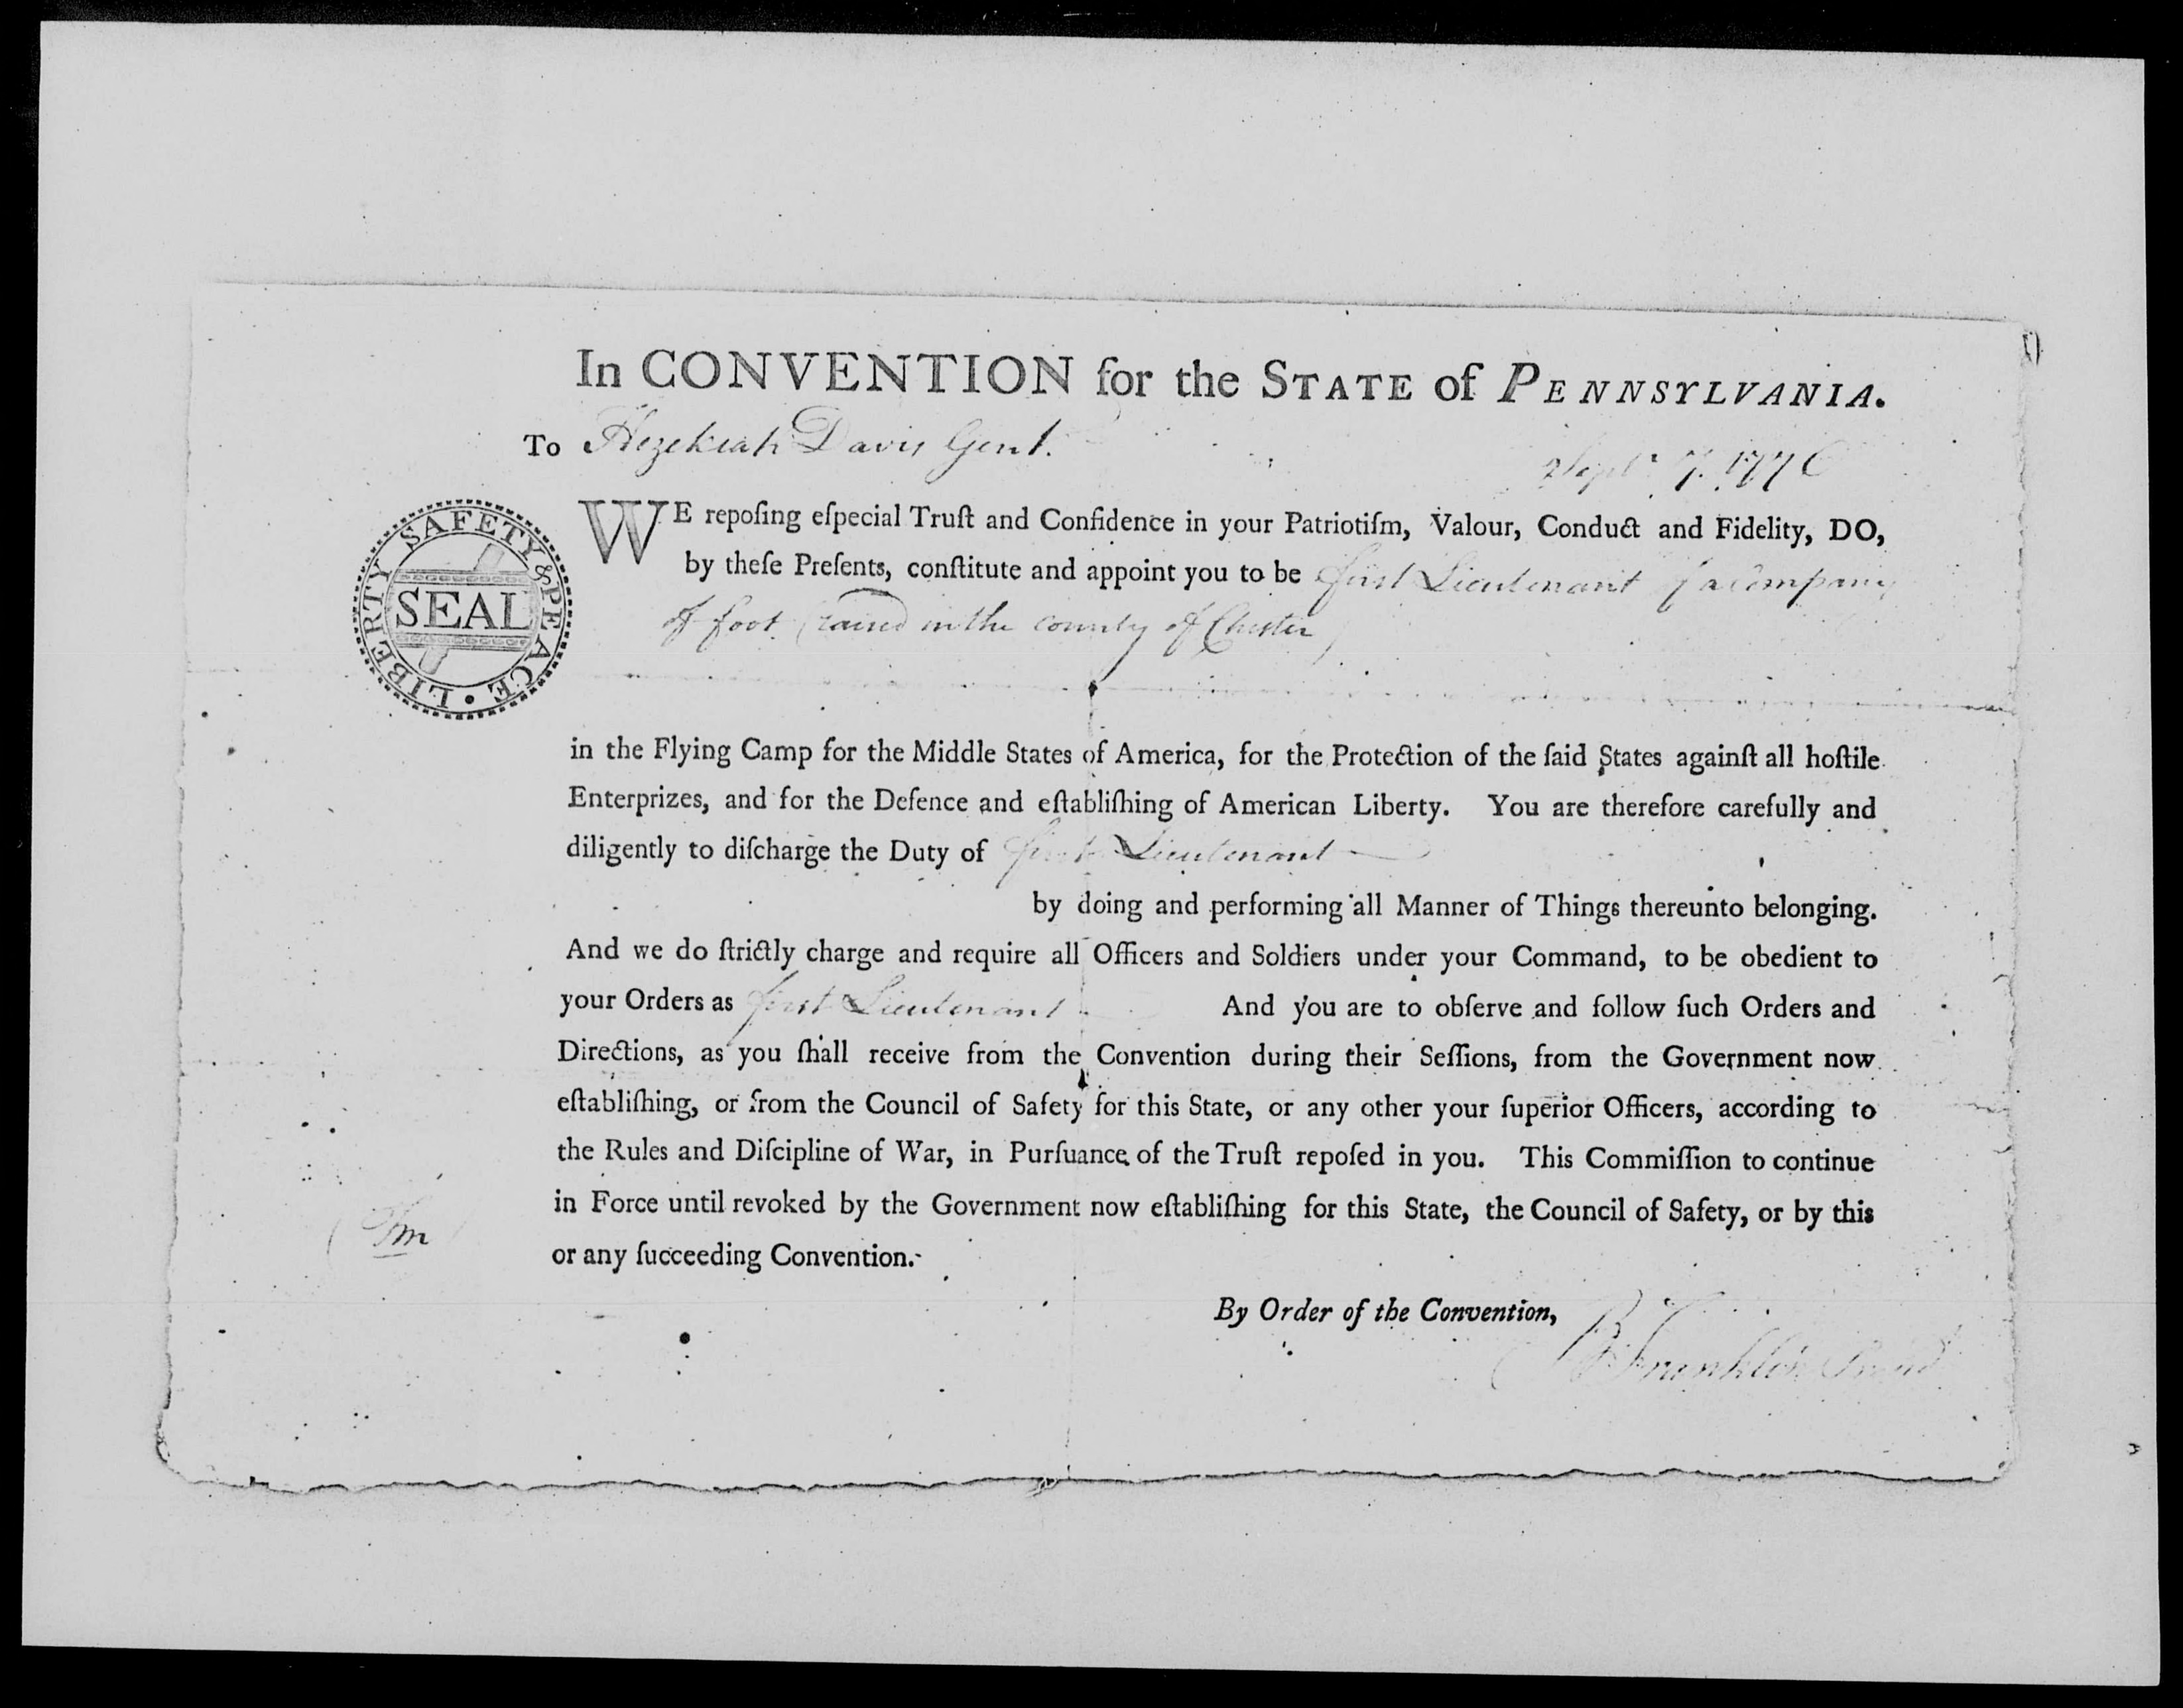In CONVENTION for the STATE of PENNSYLVANIA.
Sept 7, 1776
To Hezekiah Davis Genl.
We reposing especial Trust and Confidence in your Patriotism, Valour, Conduct and Fidelity, DO,
by these Presents, constitute and appoint you to be first Lieutenant of a Company
of foot raised in the County of Chester
[circular seal] LIBERTY SAFETY & PEACE SEAL
in the Flying Camp for the Middle States of America, for the Protection of the said States against all hostile
Enterprizes, and for the Defence [defense] and establishing of American Liberty. You are therefore carefully and
diligently to discharge the Duty of FIRST Lieutenant by doing and performing all Manner of Things thereunto belonging.
And we do strictly charge and require all Officers and Soldiers under your Command, to be obedient to
your Orders as first Lieutenant.
And you are to observe and follow such Orders and
Directions, as you shall receive from the Convention during their Sessions, from the Government now establishing, or from the Council of Safety for this State, or any other your superior Officers, according to
the Rules and Discipline of War, in Pursuance of the Trust reposed in you. This Commission to continue
in Force until revoked by the Government now establishing for this State, the Council of Safety, or by this
or any succeeding Convention.
By Order of the Convention,
[signature] B Franklin President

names: B Franklin, Hezekiah Davis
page: 51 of 57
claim: survivor's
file: S. 2161, Hezekiah Davies, Penn